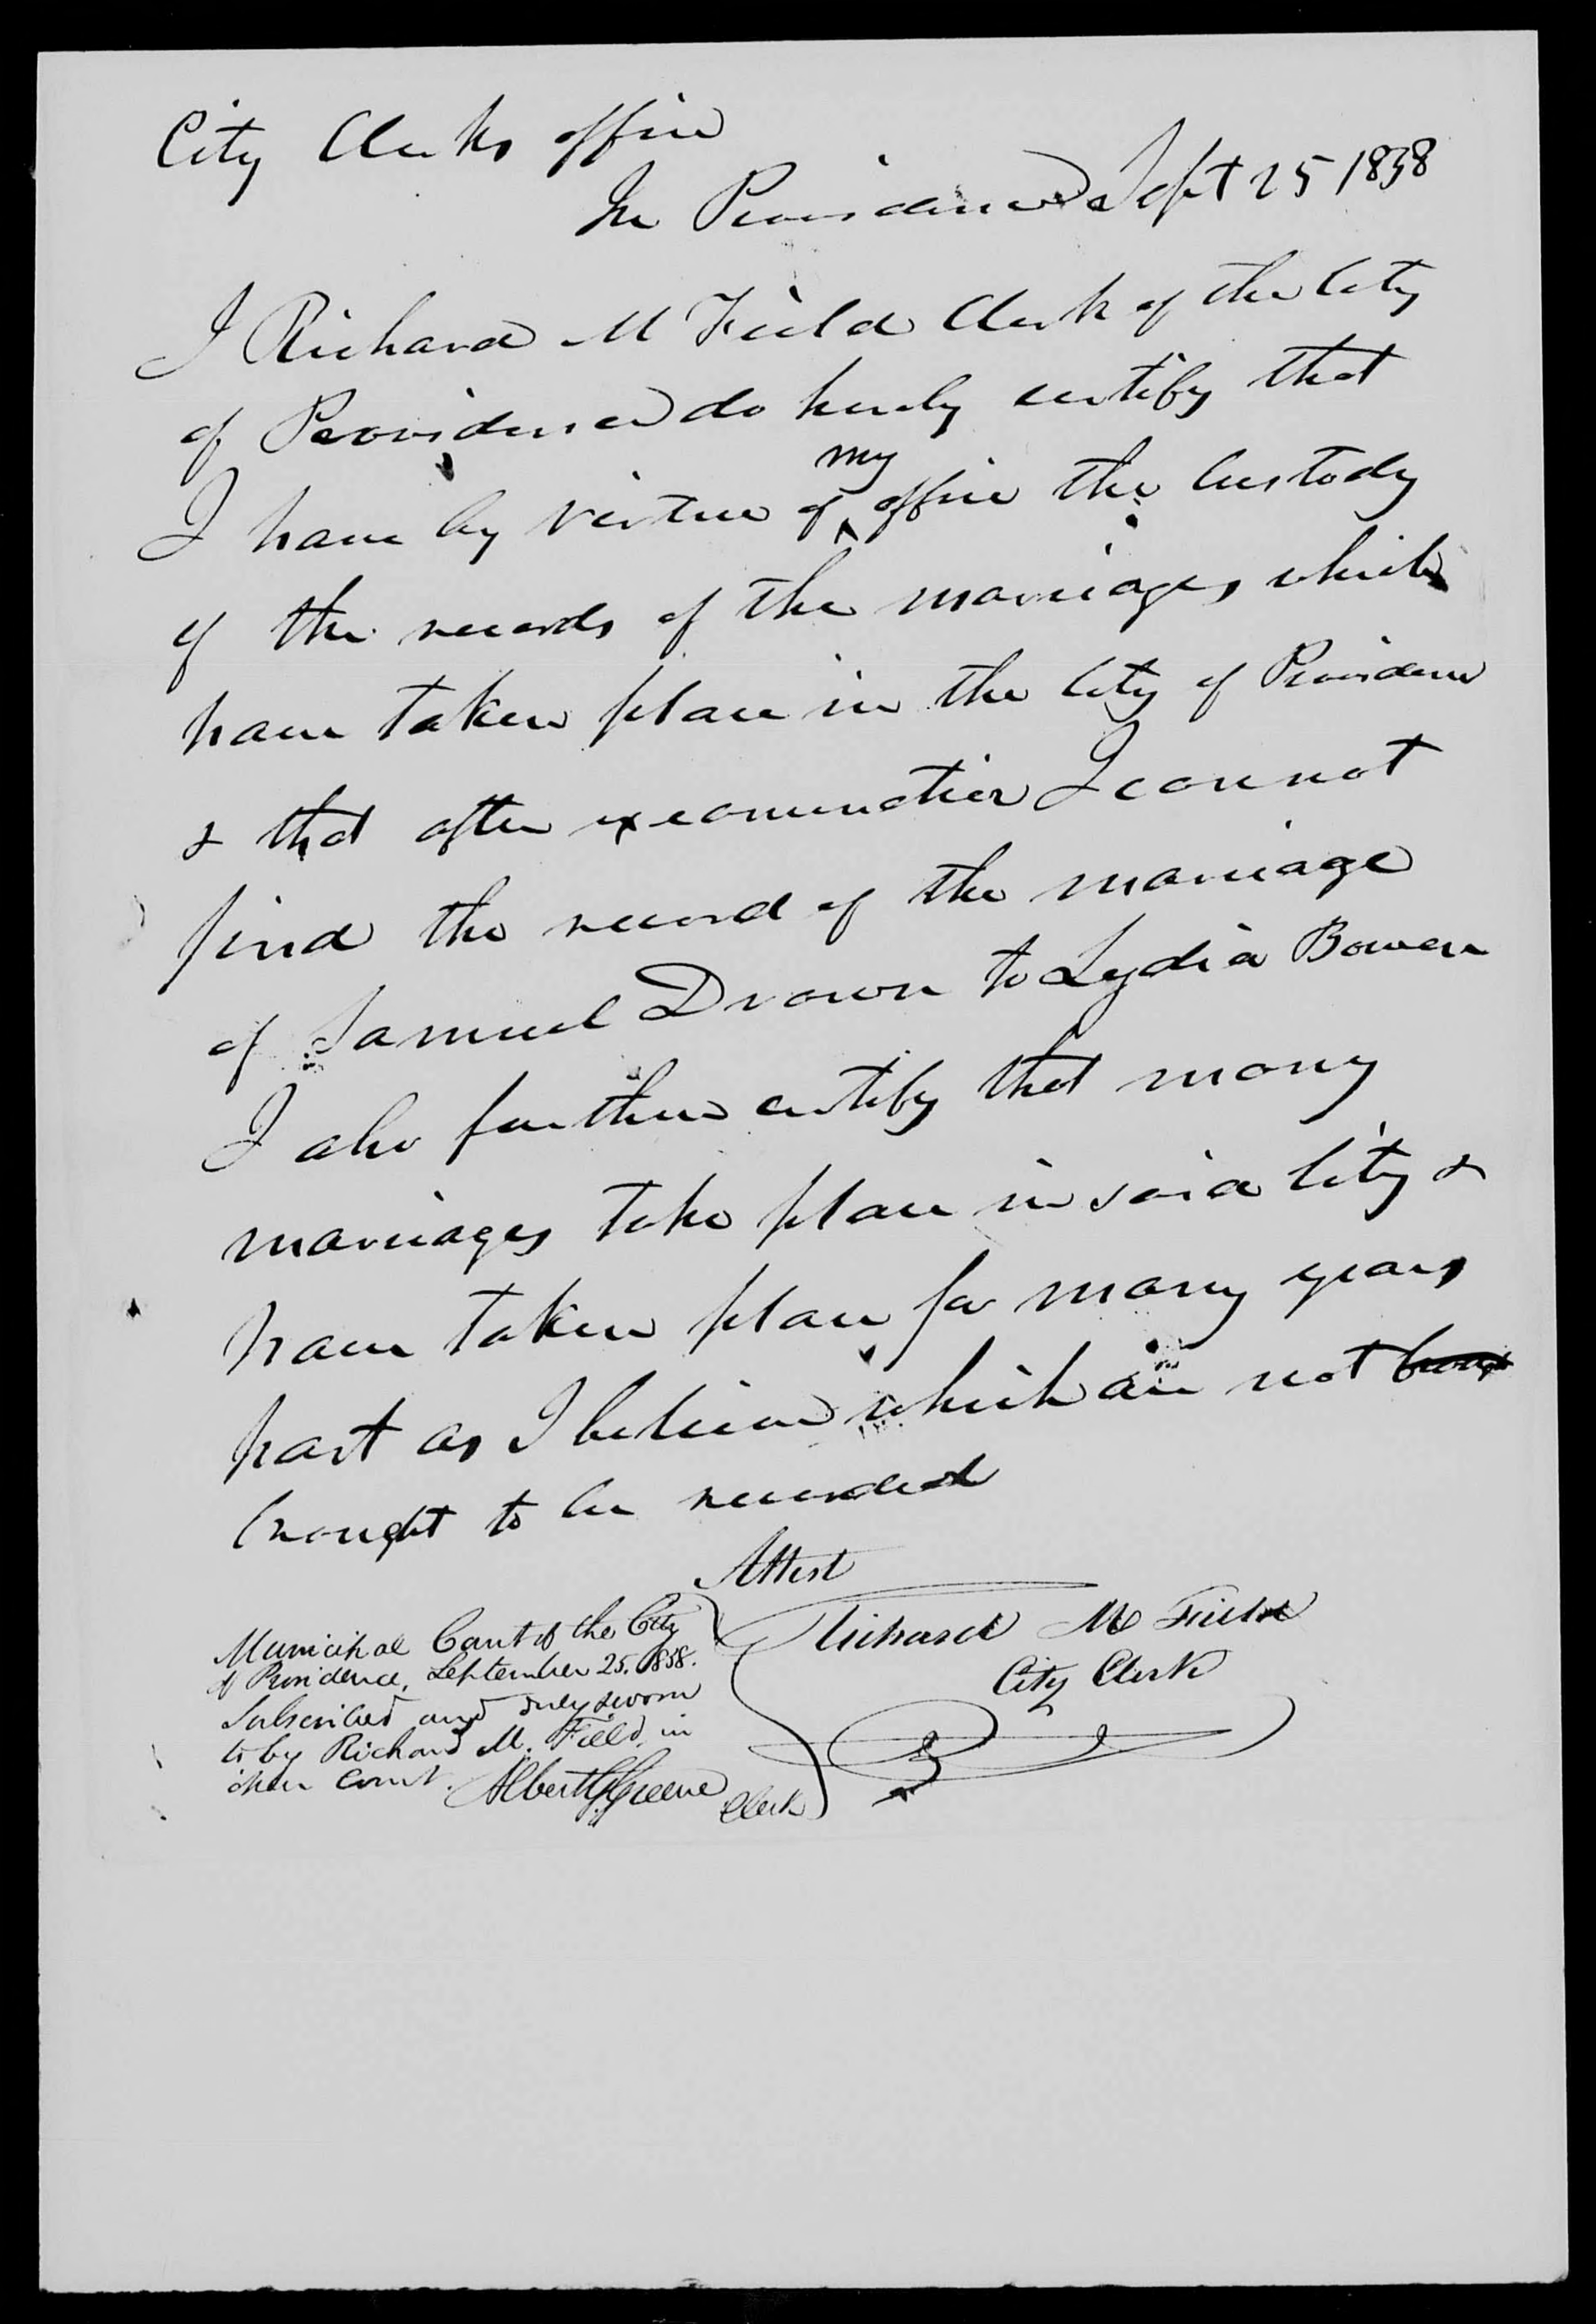City Clerks office
In Providence Sept 25 1838

I Richard M Field Clerk of the City of
Providence do hereby certify that
I have by virtue of my office the custody
of the records of the marriages which
have taken place in the City of
Providence & that after examination I cannot
find the record of the marriage
of Samuel Drown to Lydia Bowen
I also further certify that many
marriages take place in said City &
have taken place for many years
past as I believe which are not brought
to be recorded

Attest
Richard M Field
City Clerk

Municipal Court of the City of Providence,
September 25, 1838
Subscribed and duly sworn to by Richard
M Field in open Court 
Albert Greene
Clerk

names: Lydia Bowen, Samuel Drown, Richard M Field, Richard M Field, Albert G Greene, Richard M Field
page: 9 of 31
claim: widow's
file: W 21004, Samuel Drown, R.I.